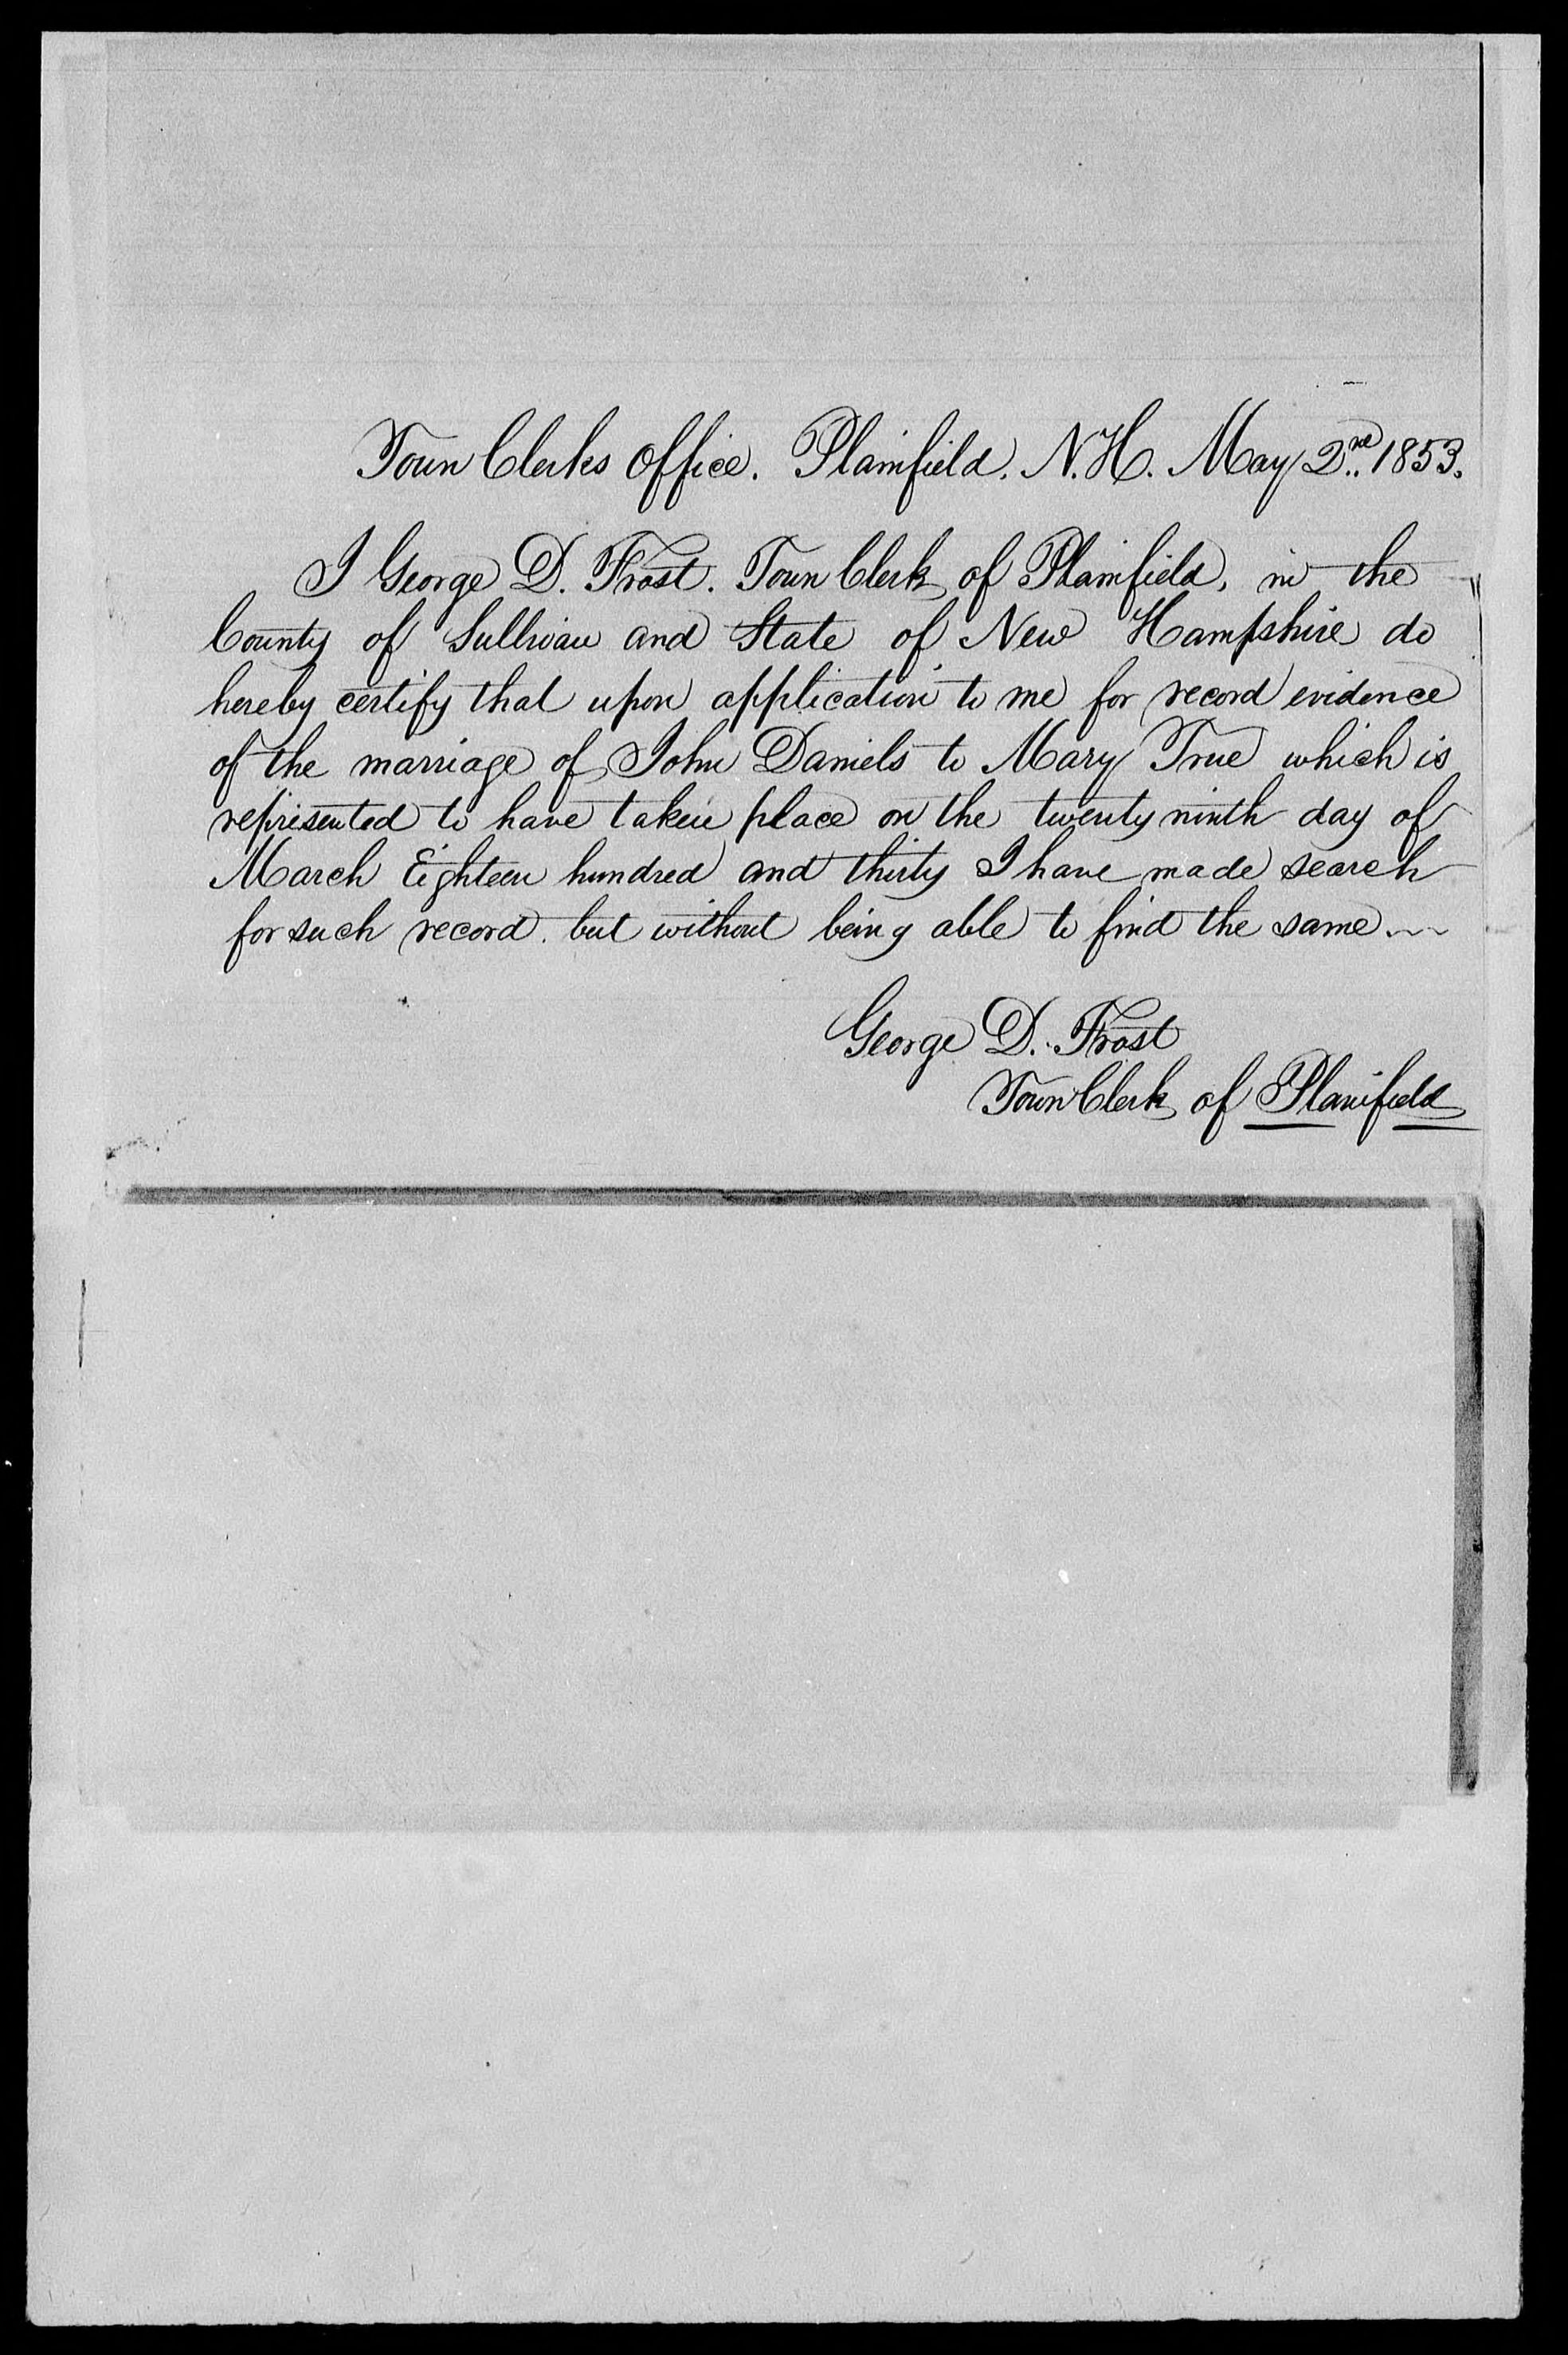Town Clerks Office
Plainfield, N.H. May 2nd 1853

I George D. Frost. Town Clerk of Plainfield, in the
County of Sullivan and State of New Hampshire do
hereby certify that upon application to me for record evidence
of the marriage of John Daniels to Mary True which is
represented to have taken place on the twenty ninth day of
March Eighteen hundred and thirty I have made search ┃
for such record but without being able to find the same.

George D. Frost
Town Clerk of Plainfield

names: George D Frost, John Daniels, George D Frost, Mary True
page: 12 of 43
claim: widow's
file: W 683, John Daniels, Continental Mass. N.H.